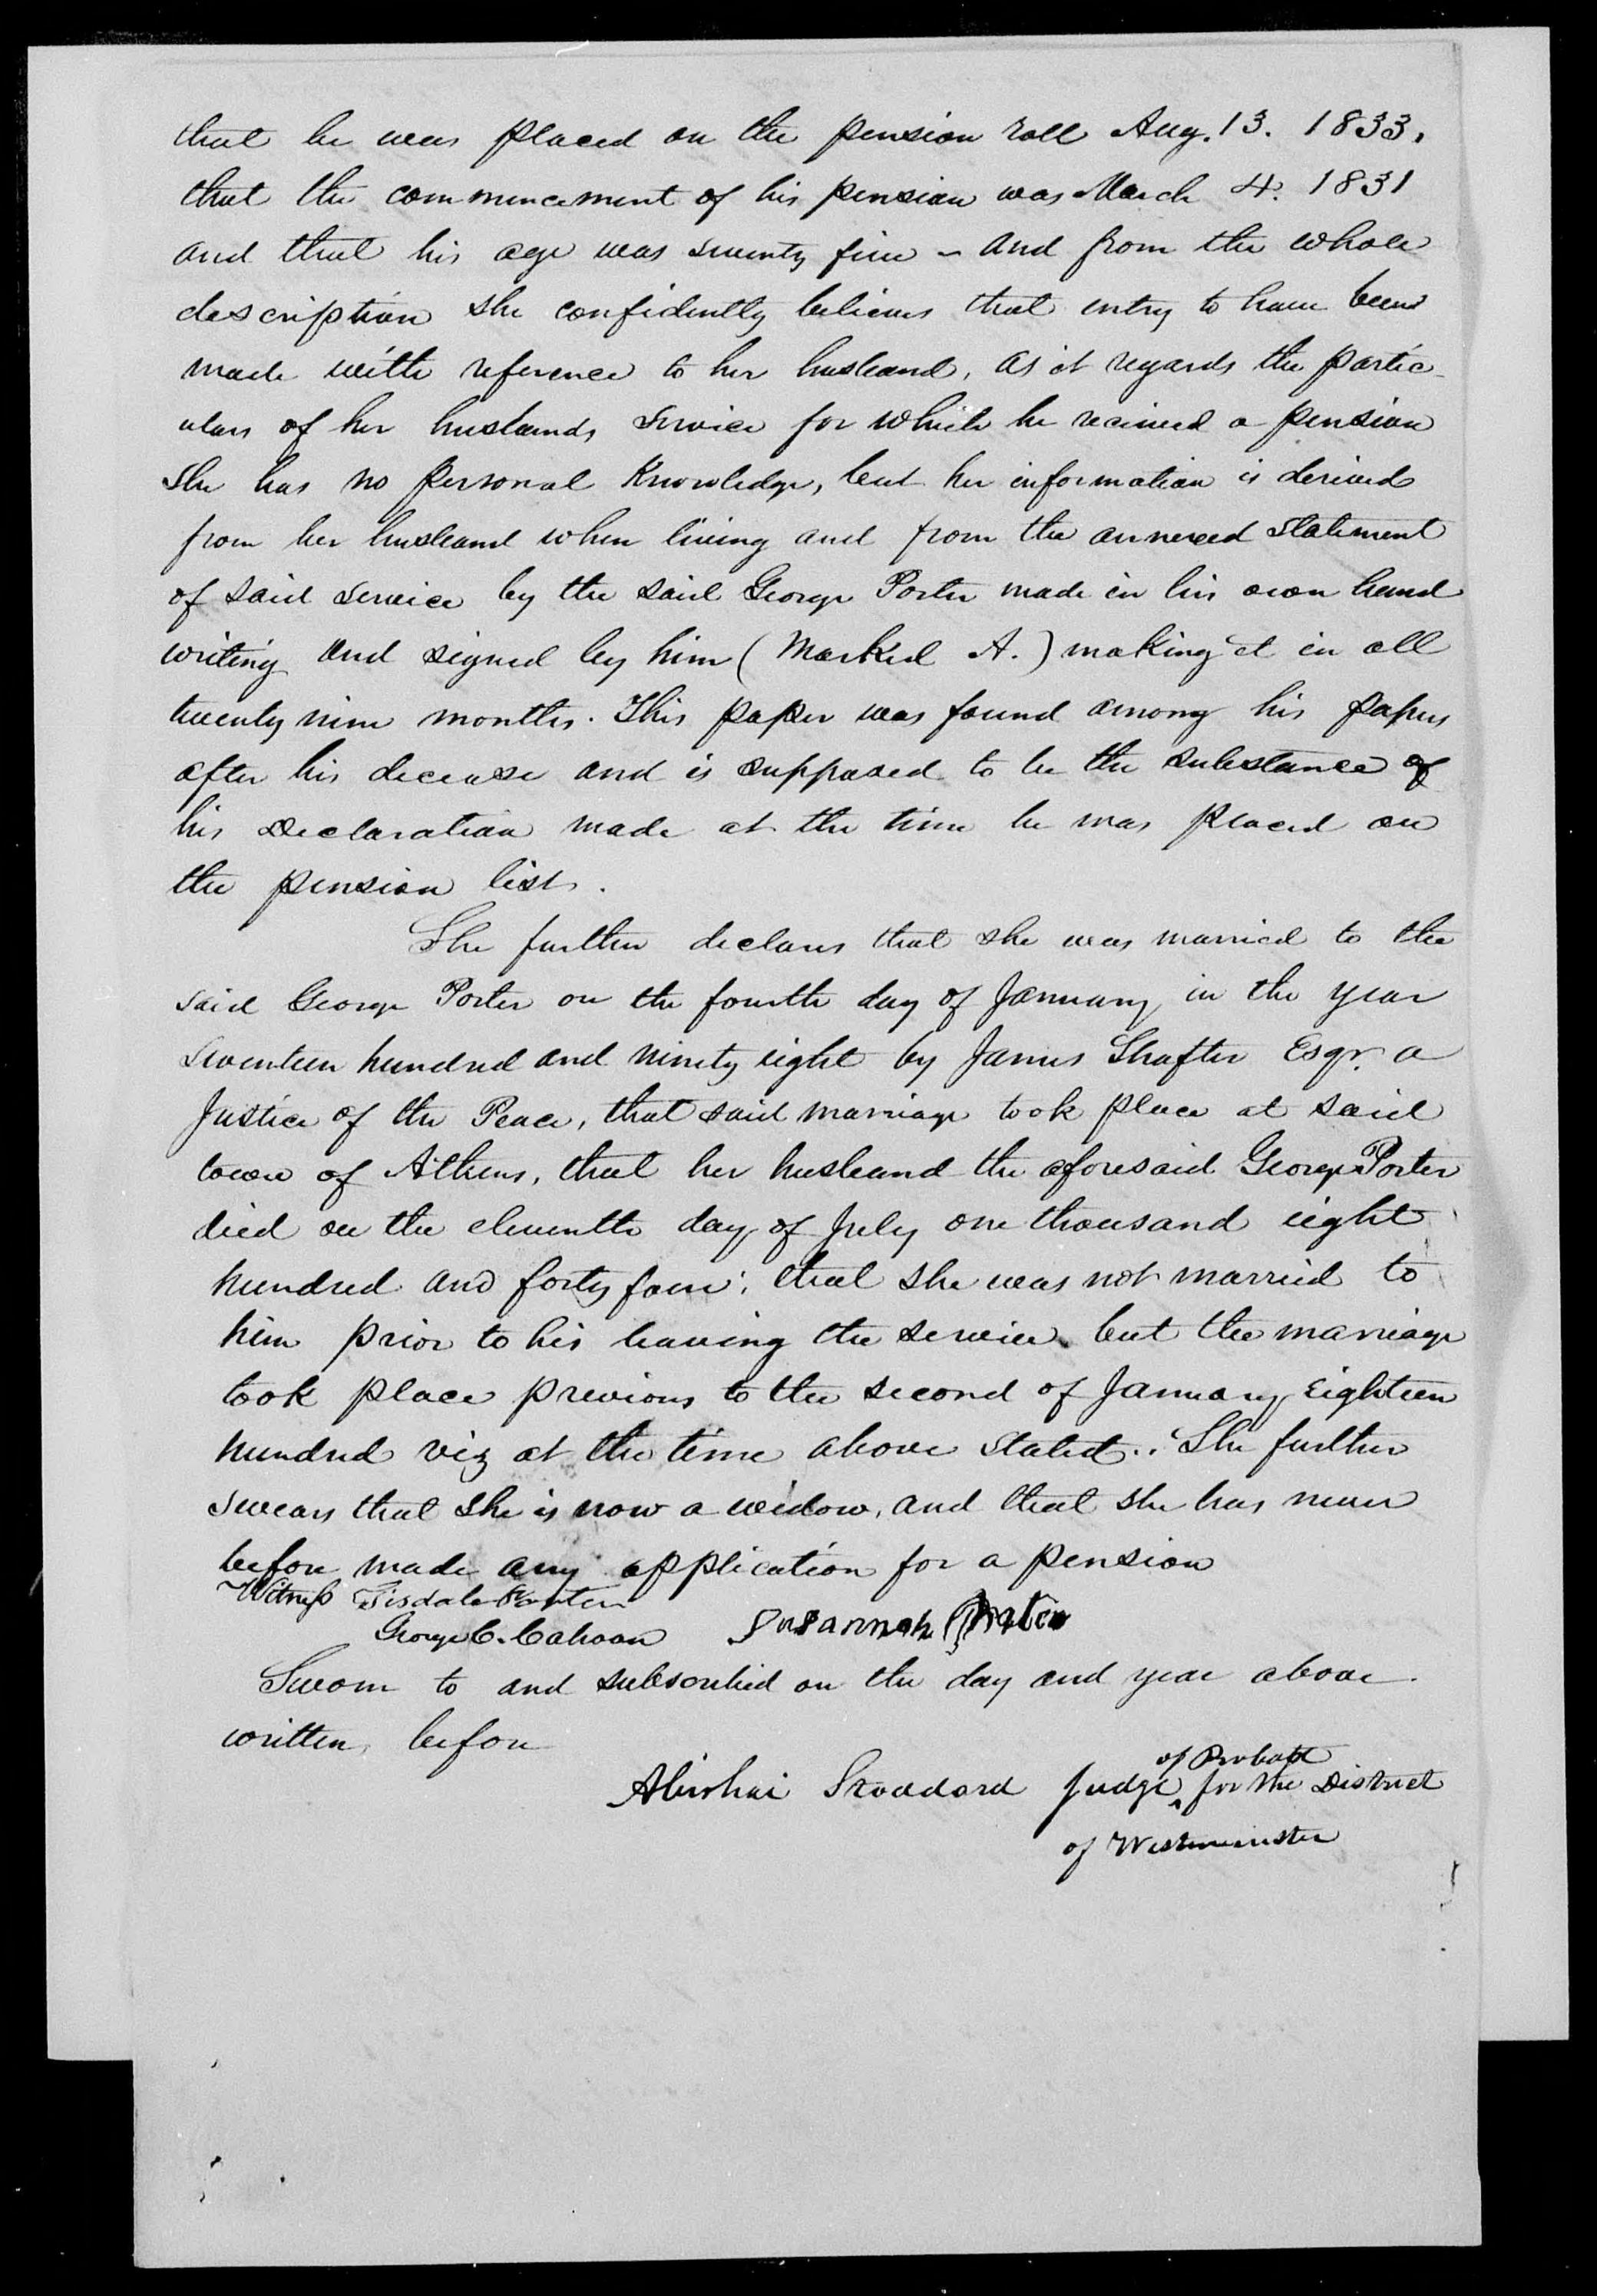that he was placed on the pension Roll Aug. 13. 1833, that the commencement of his pension was March 4. 1831 and that his age was seventy five, and from the whole description she confidently believes that entry to have been made with reference to her husband, as it regards the particulars of her husbands service for which he received a pension She has no personal knowledge, but her information is  derived from her husband when living and from the annexed statement of said service by the said George Porter made in his own hand writing and signed by him (Marked A.) making it in all twenty nine months. This paper   was found among his papers after his decease and is supposed to be the substance of his Declaration made at the time he was placed on the pension list.
She further declares that she was married to the said George Porter on the fourth day of January in the year Seventeen hundred and ninety eight by James Shafter Esqr a Justice of the Peace, that said marriage took place at said town of Athens, that her husband the aforesaid George Porter died on the eleventh day of July one thousand eight hundred and forty four; that she was not married to him prior to his having the service but the marriage took place previous to the second of January Eighteen hundred viz at the time above stated. She further swears that she is now a widow, and that she has never before made any application for a pension
Susannah Porter

Witness Tisdale Porter
George C. Cahoon

Sworn to and subscribed on the day and year above written, before
Abishai Stoddard
Judge of Probate for the District of Westminster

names: Abishai Stoddard; James Shafter; Tisdale Porter; Susannah Porter; George Porter; George C Cahoon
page: 11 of 49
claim: widow's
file: W. 2164, for George Porter, Massachusetts